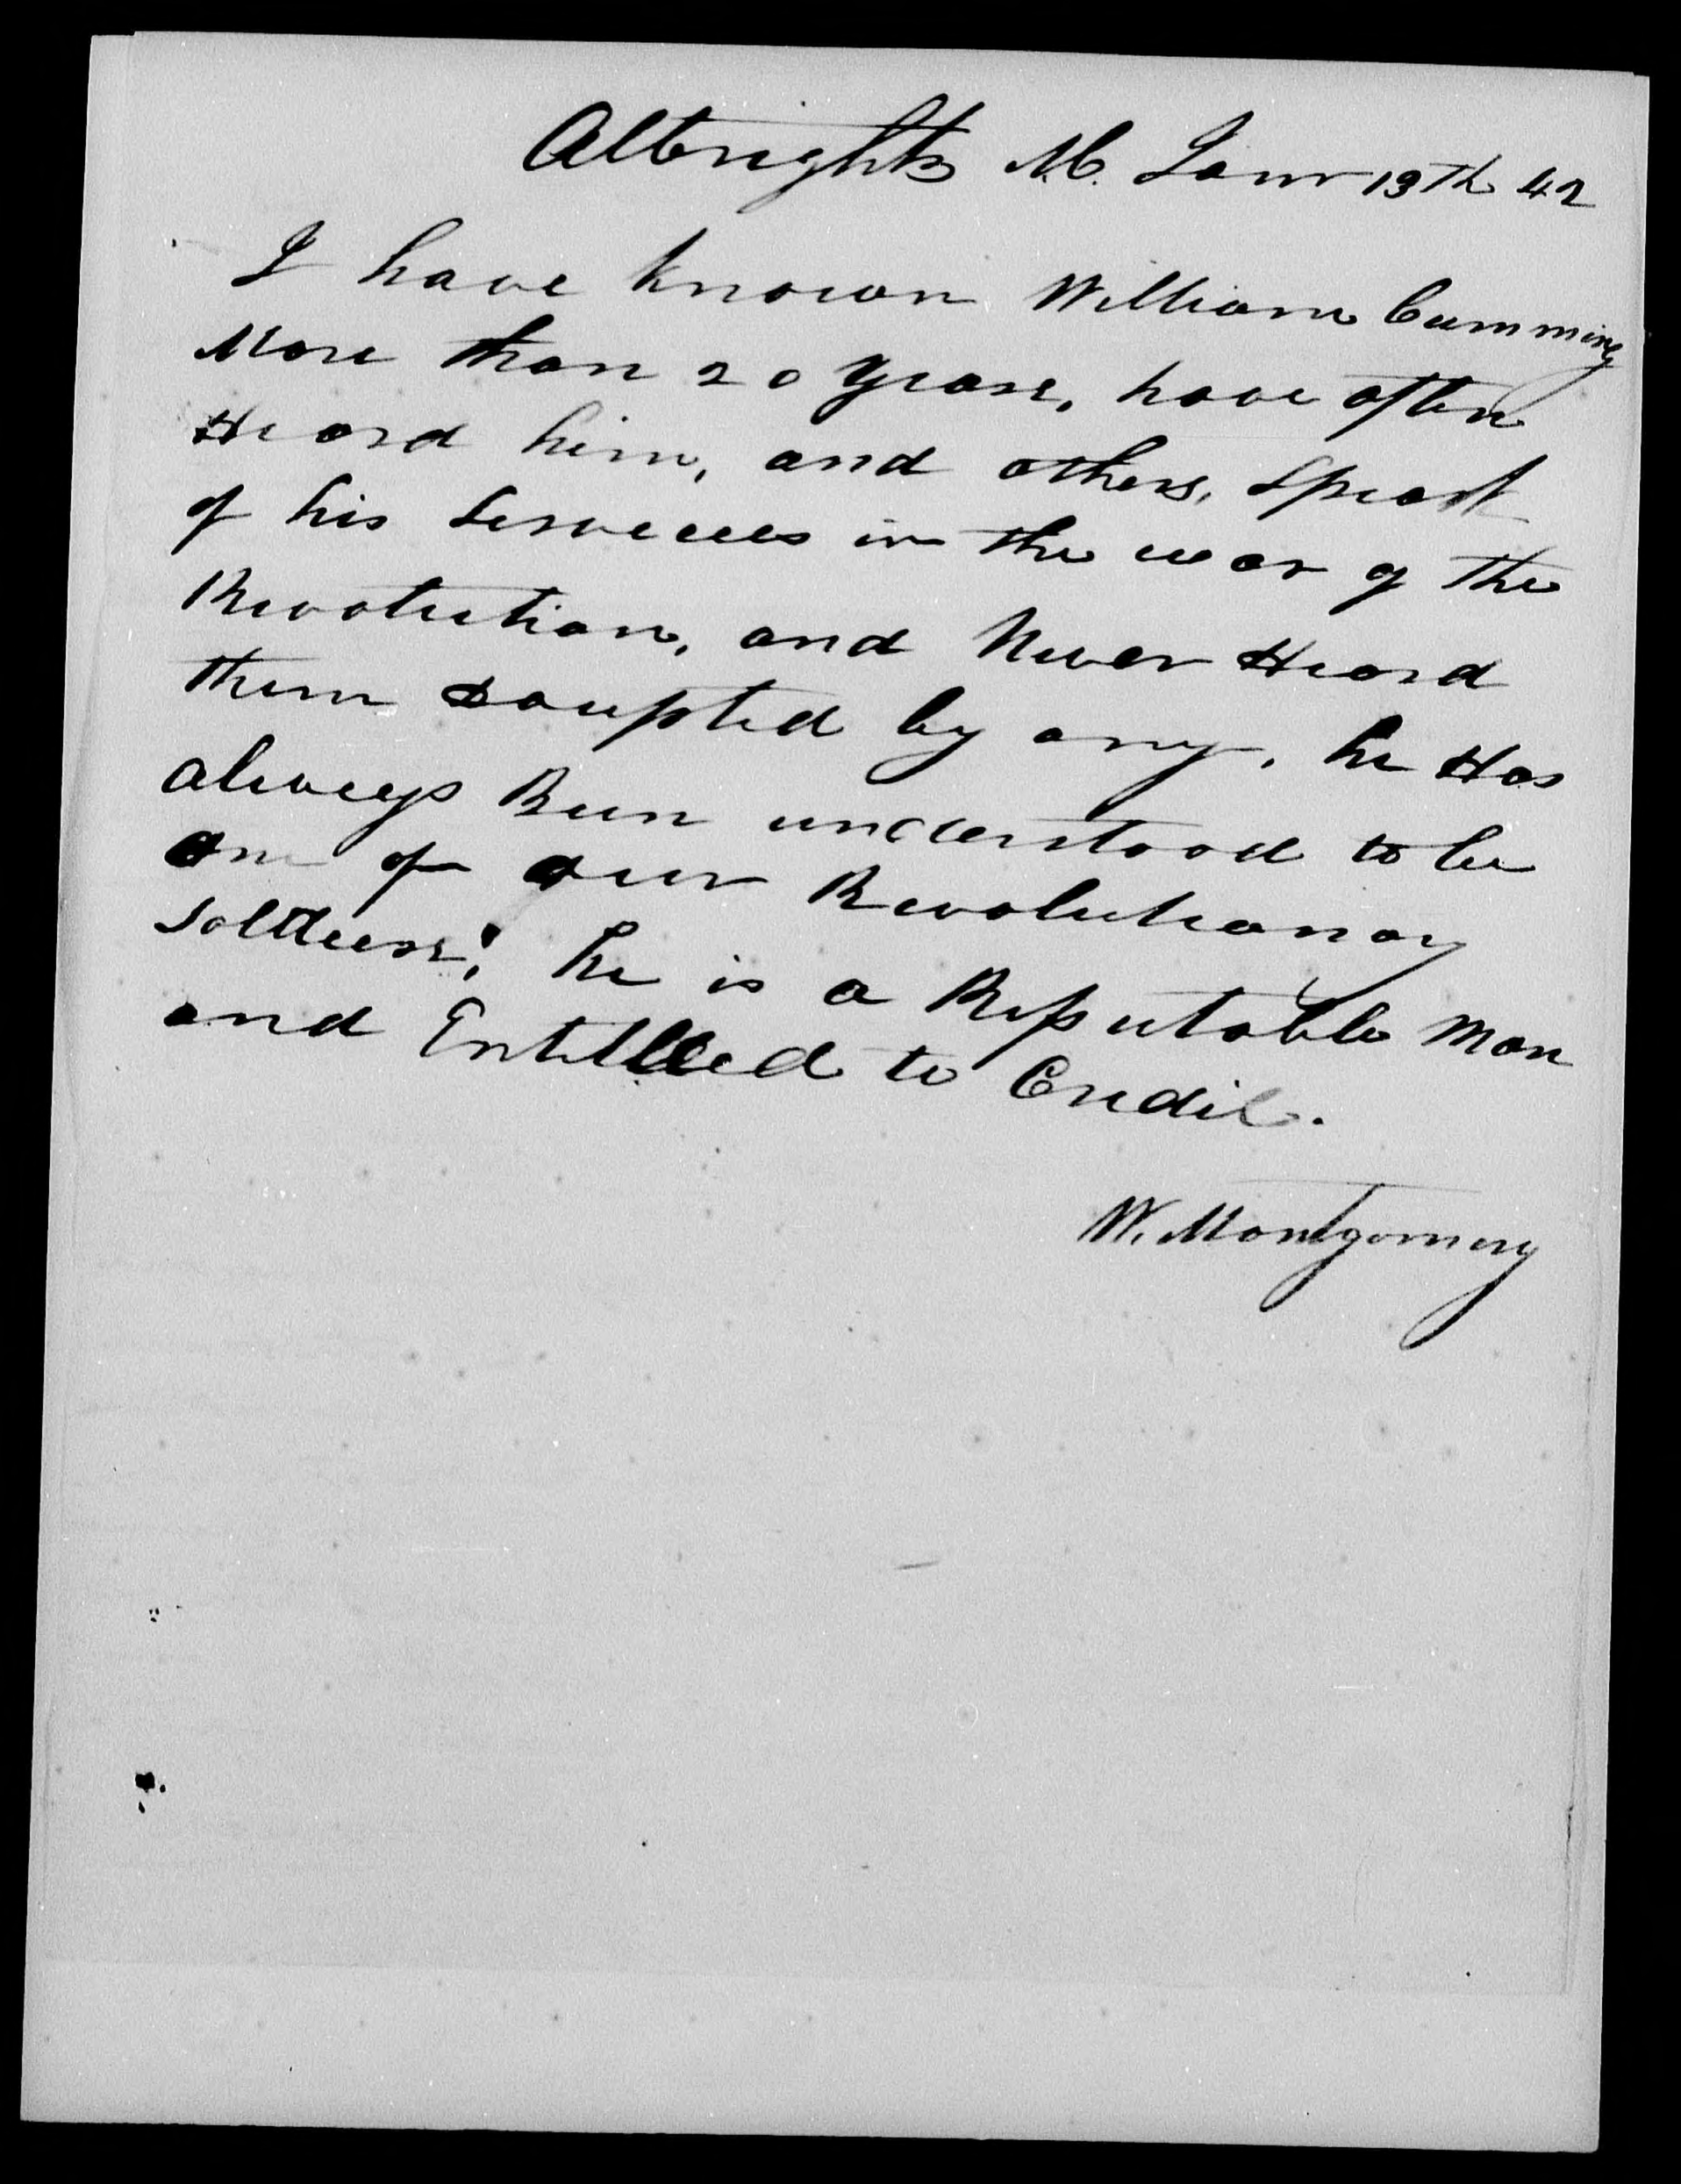[Handwritten account]  

Albright [or Albrights] N.C. Janr [January] 13th 42 [1842]

I have known William Cumming More than 20 Years, have often Heard him, and others, Speak of his Services in the war of the Revolution, and Never Heard them doubted by any.  he Has always Been understood to be one of our Revolutionary Solders, he is a Reputable Man and Entitled to Credit.

W. Montgomery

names: William Cumming, W Montgomery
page: 48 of 145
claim: survivor's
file: S. 8265, William Cumming, N.C.